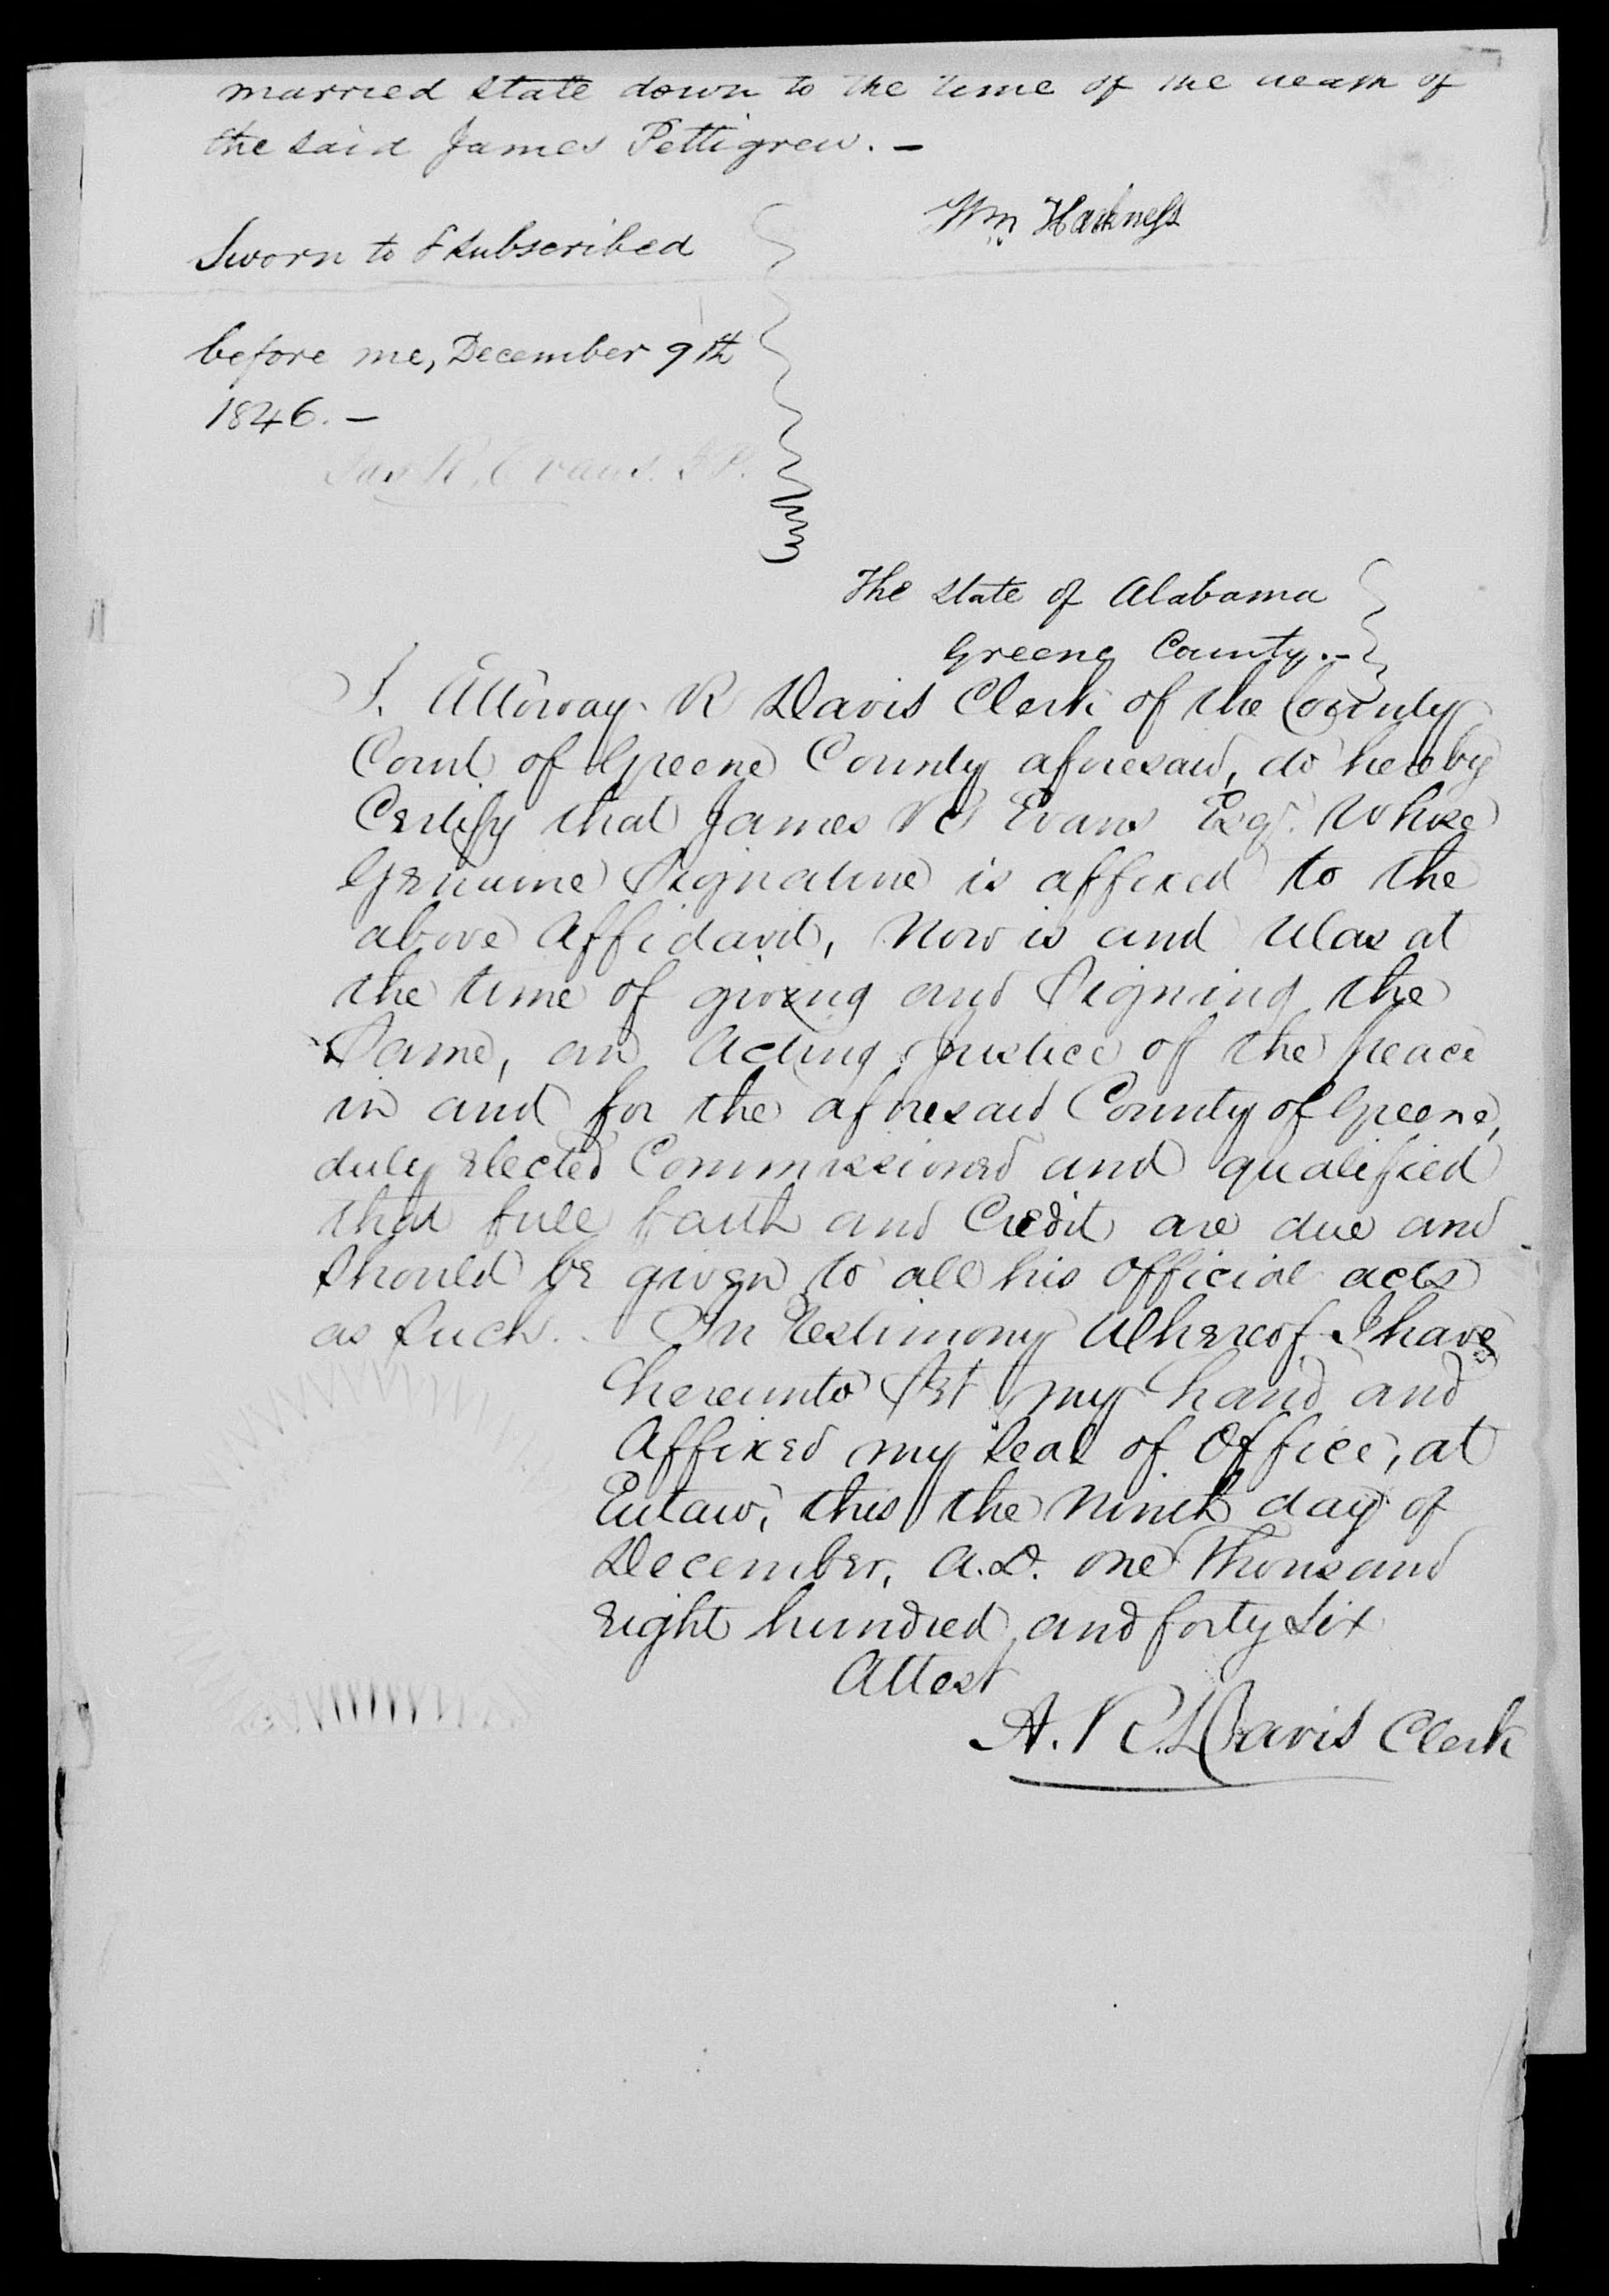married state down to the name of the wife of the said James Pettigrew. -
Sworn to & subscribed
before me, December 9th 1846.
Jas. R. Evans J.P.
Wm. Harkness

The state of Alabama
Greene County. - 
I, [illegible] R. Davis Clerk of the County Court of Greene County aforesaid do hereby certify that James R. Evans Esq. [illegible] genuine signature is affixed to the above affidavit, now is and was at the time of giving and signing the [illegible], and acting practice of the peace in and for the affirmed County of Greene, duly elected commended and qualified that full faith and credit, and due and should be given to all his official acts ad such. In testimony whereof I have hereunto [illegible] my hand and affixed my seal of office, at Eutaw, this the nineth day of December, A.D. one thousand eight hundred and forty six
Attest
A. R. David Clerk
[seal]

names: Wm Harkness; James R Evans; James Pettigrew; Attoway R Davis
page: 60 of 92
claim: widow's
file: W. 5522, for James Pettigrew, South Carolina